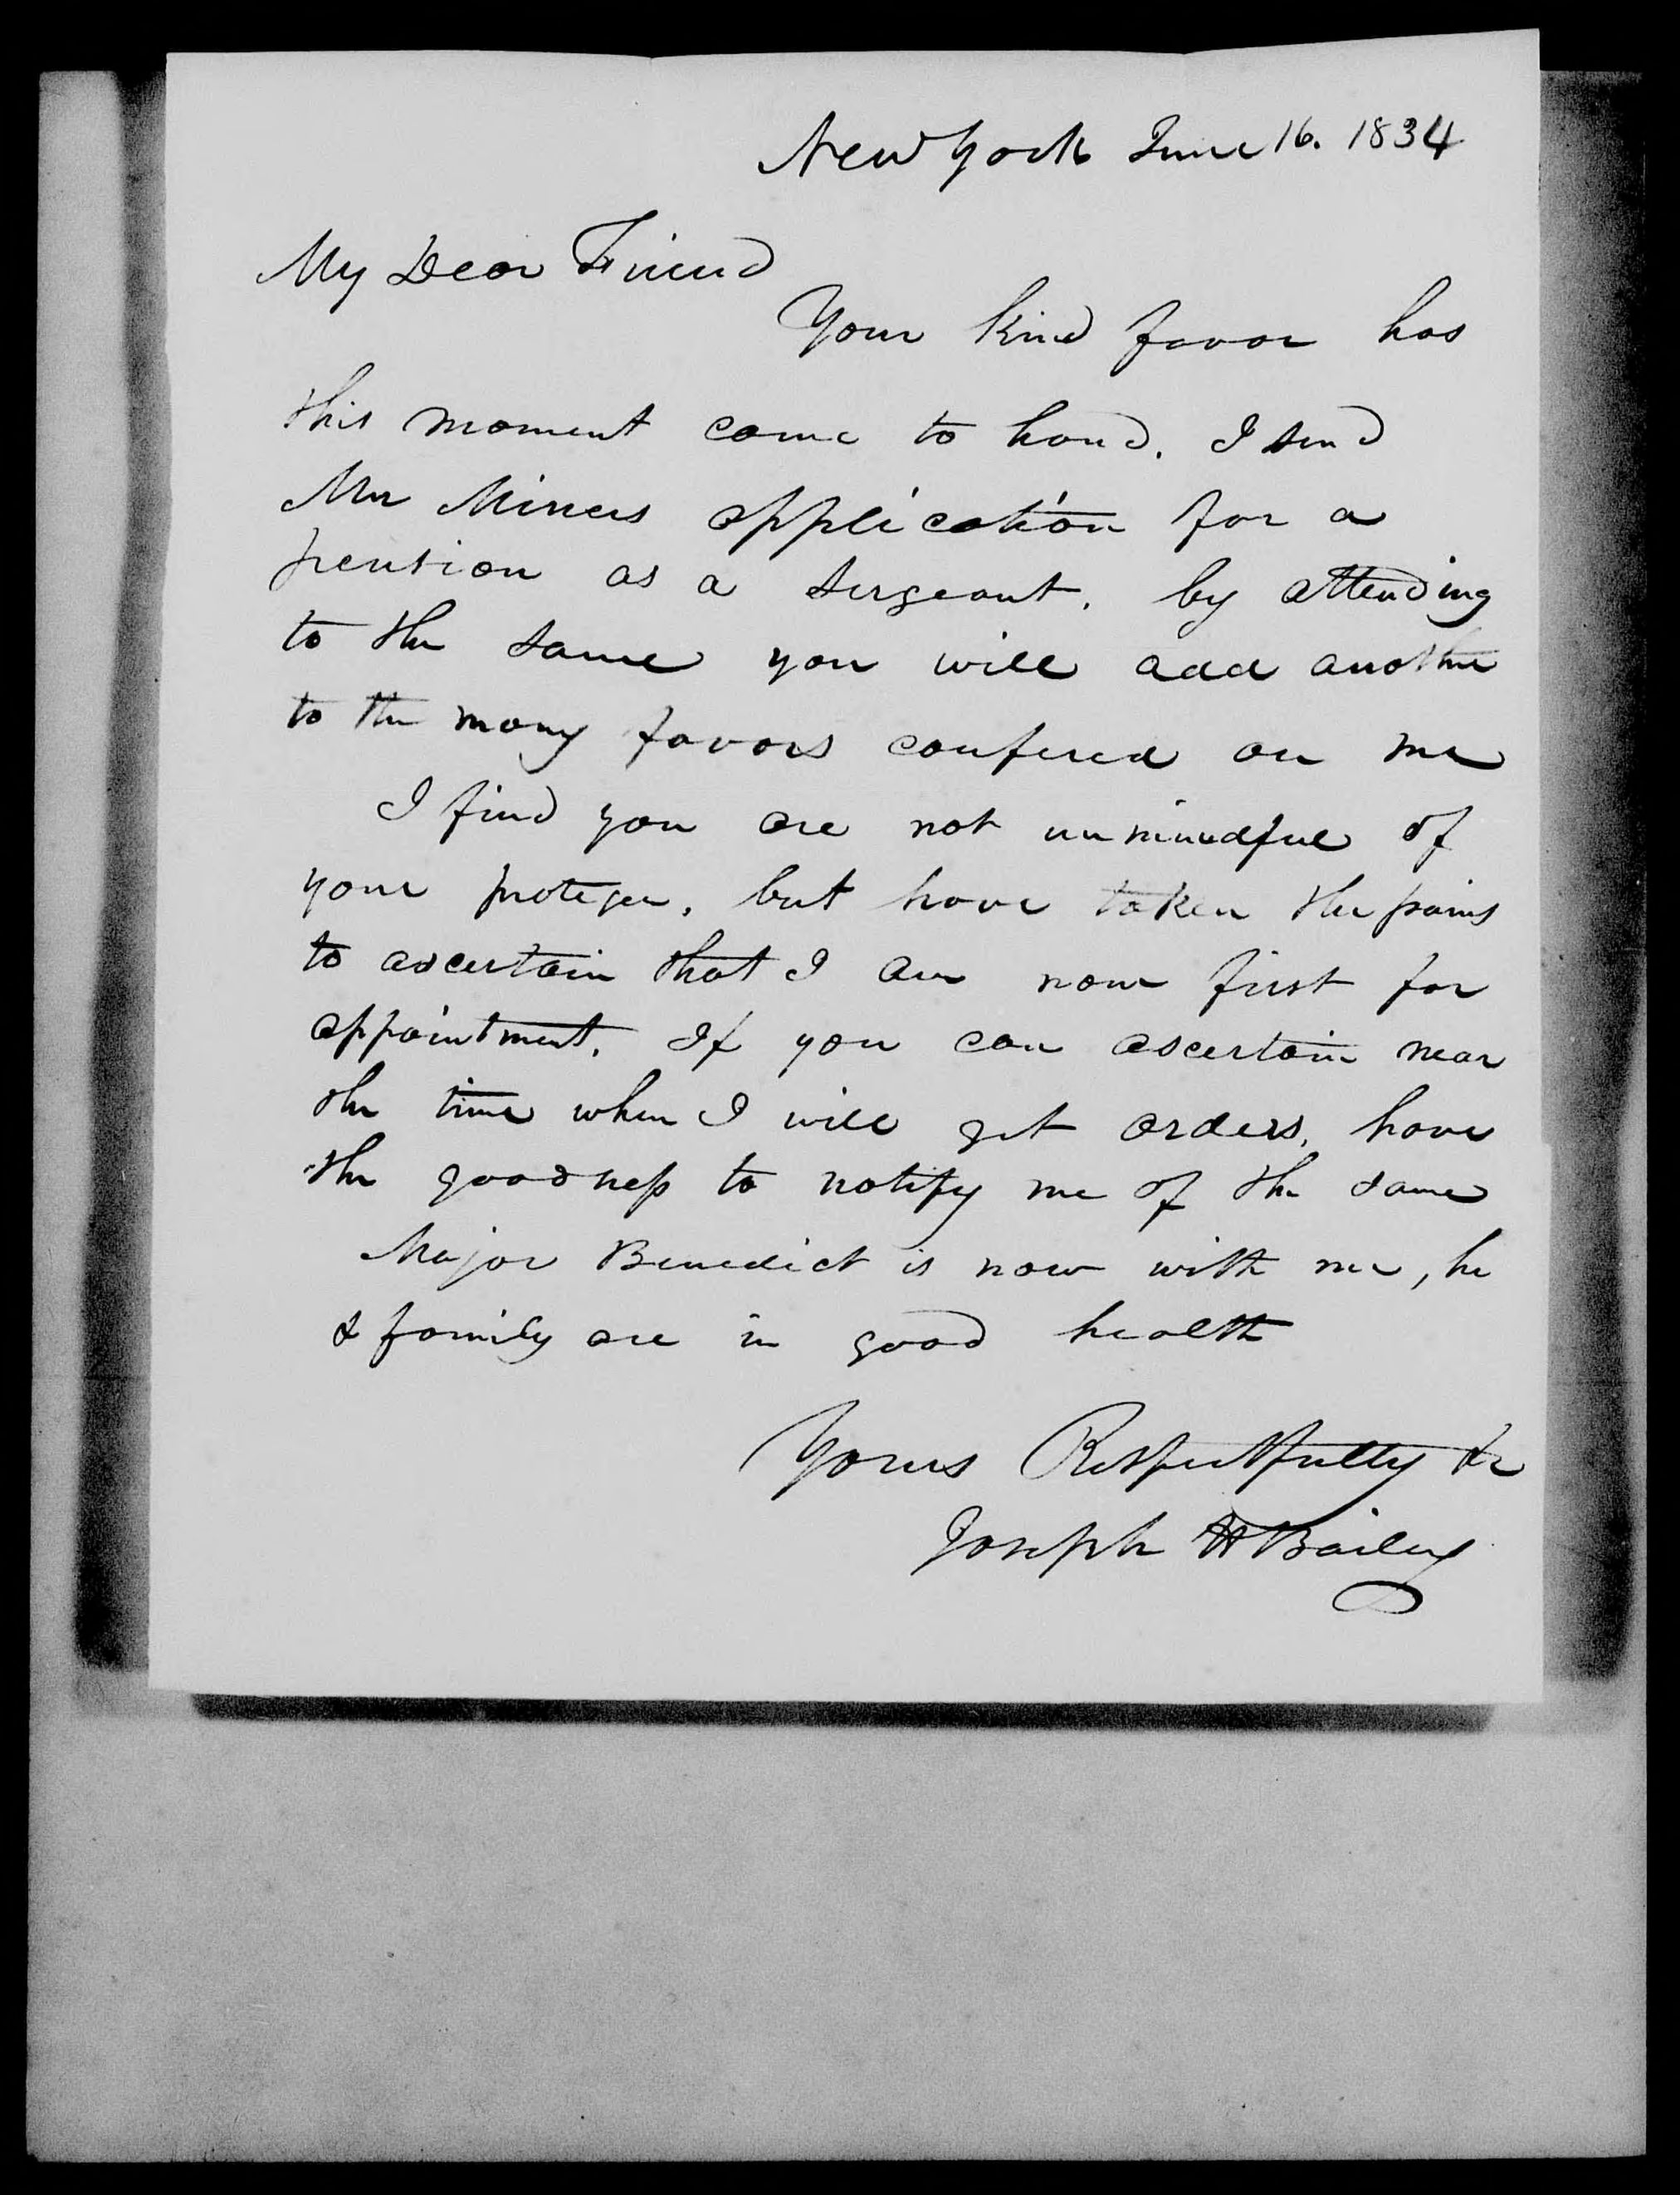New York June 16. 1834
My Dear Friend
Your kind favor has
this moment came to hand. I send
Mr Miners application for a
pension as a Sergeant, by attending
to the same you will add another
to the many favors confered on me
I find you are not unmindful of
your protegee, but have taken the pains
to ascertain that I am now first for
appointment. If you can ascertain near
the time when I will get orders, have
the goodness to notify me of the same
Major Benedict is now with me, he
& family are in good health
Yours Respectfully
Joseph H Bailey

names: [BLANK] Miner; Joseph H Bailey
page: 39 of 39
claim: survivor's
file: S. 23802, for James Miner, Connecticut